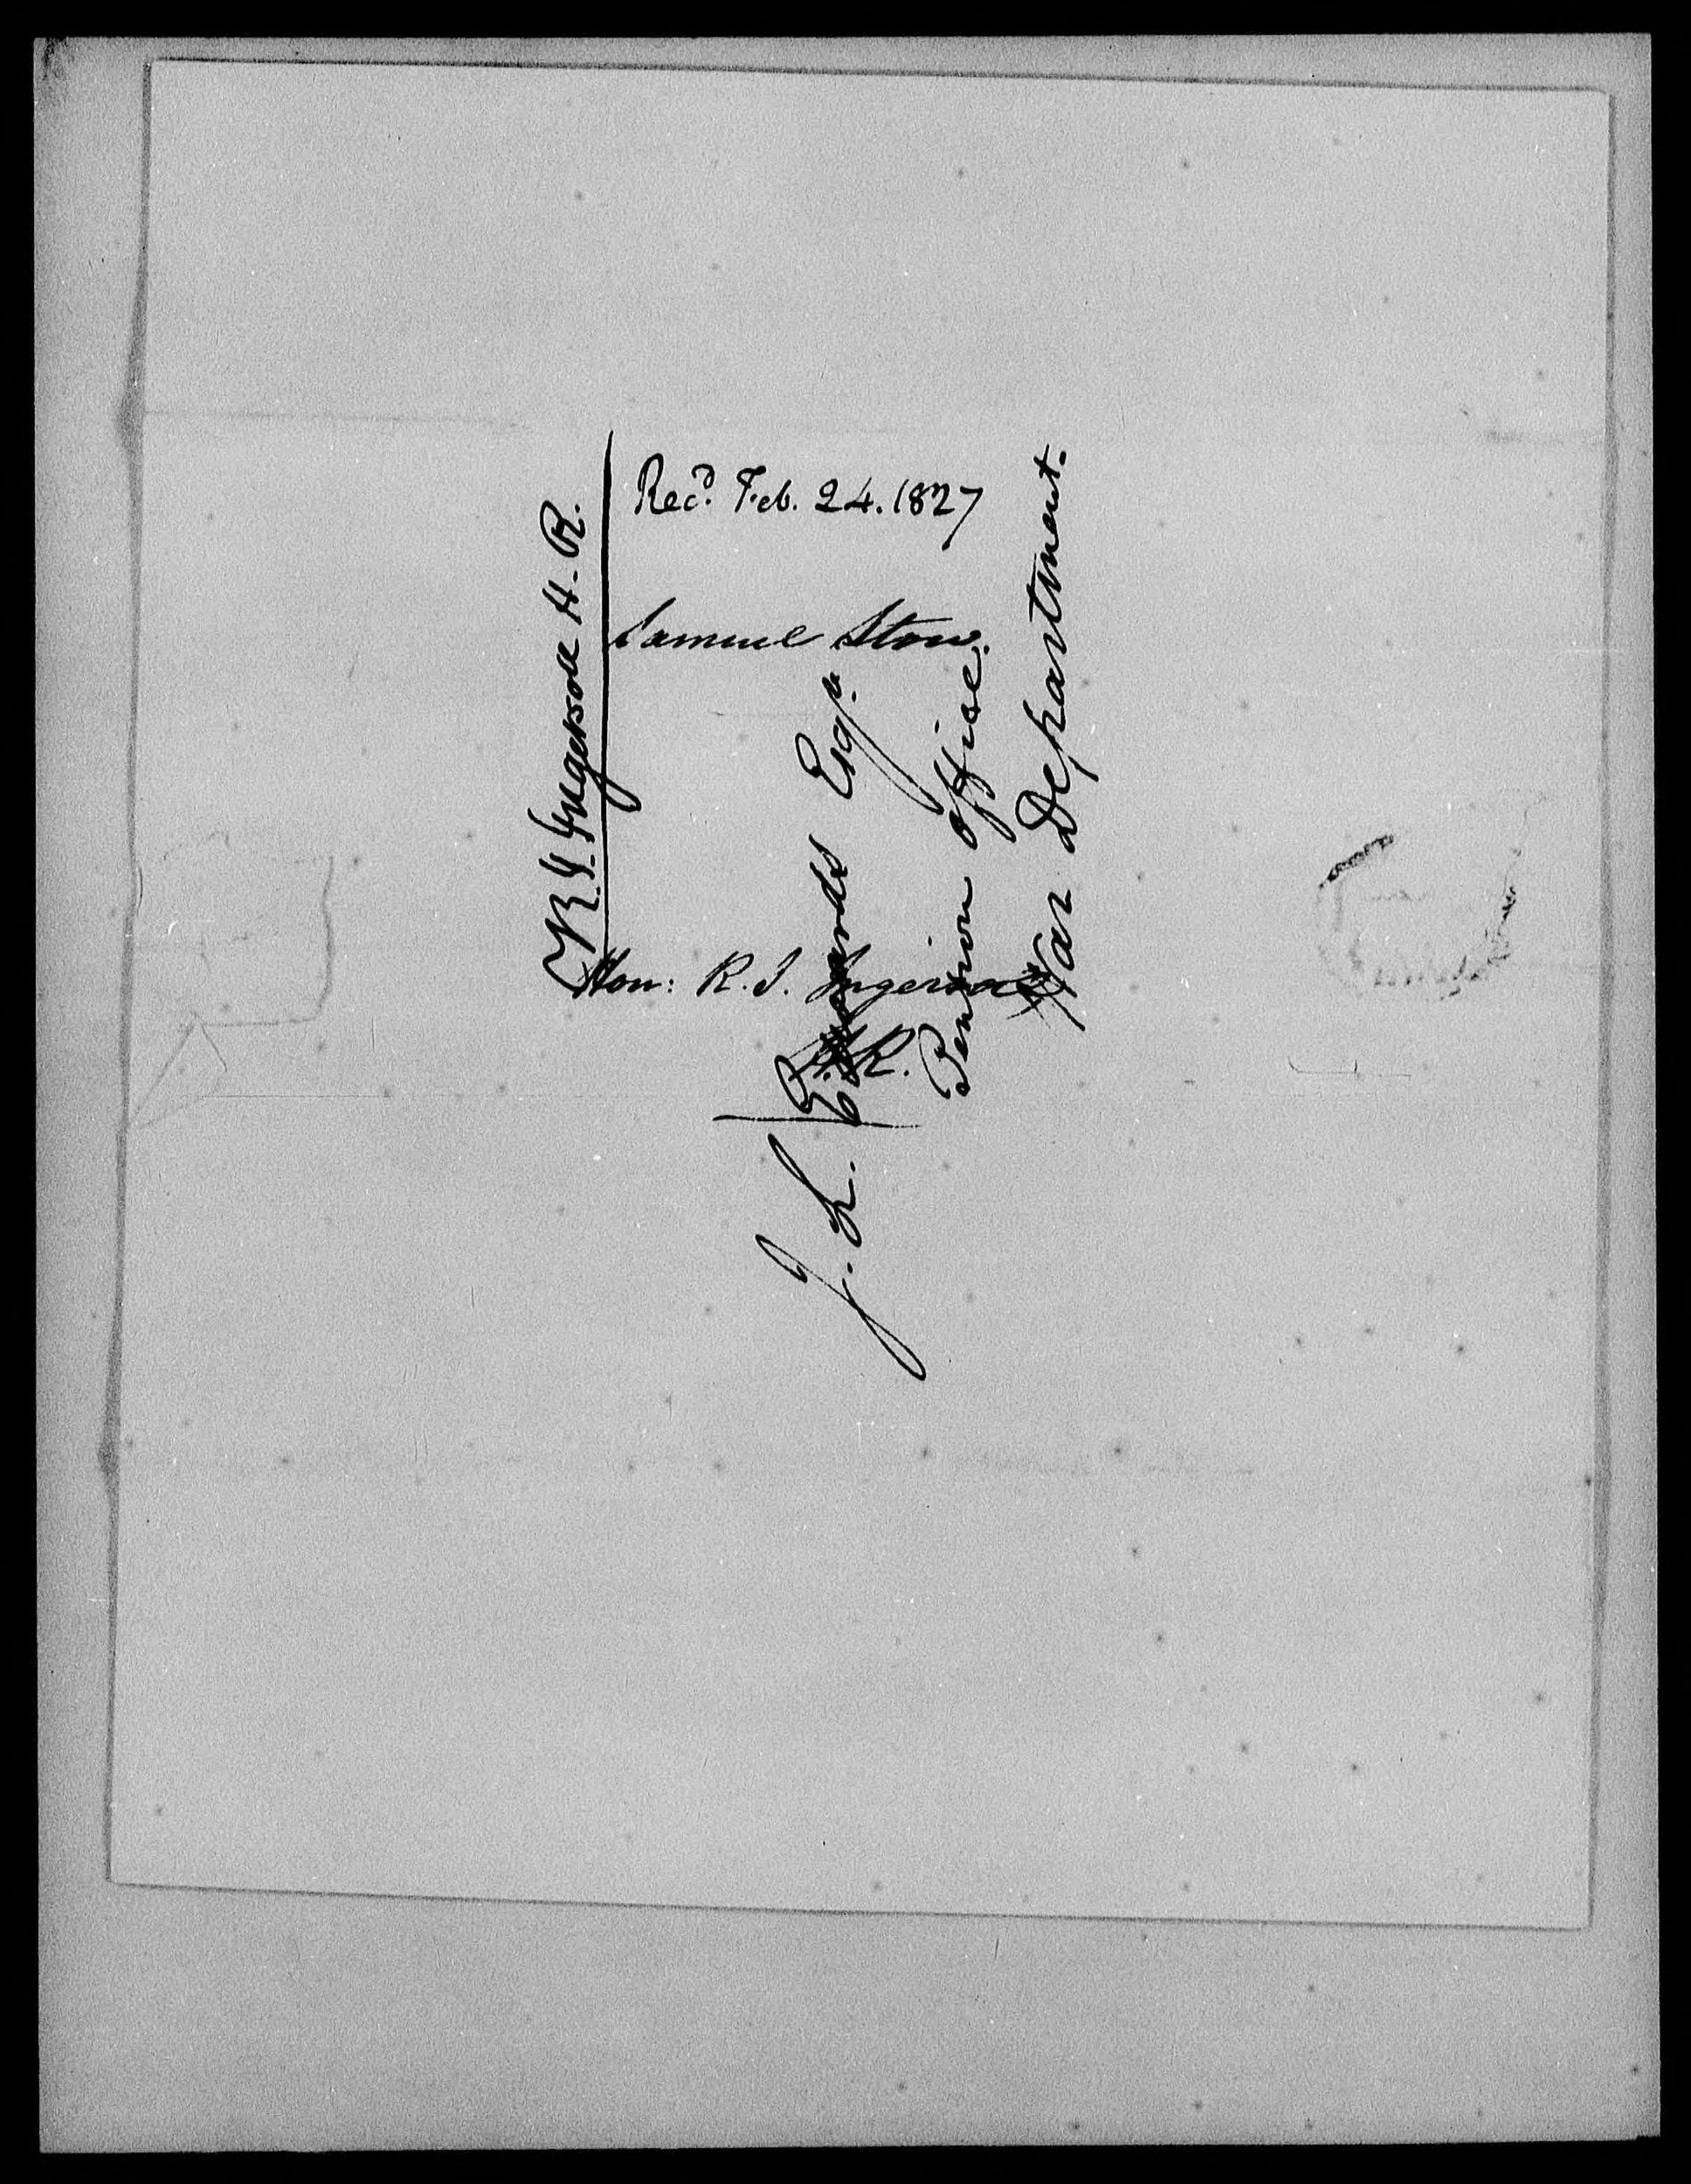Rec'd. Feb. 24. 1827
Samuel Stow
Hon. R.I. Ingersoll

R.I. Ingersoll H.R.

J.L. Edwards, Esq.
Pension Office
War Department.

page: 13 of 42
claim: survivor's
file: S. 36,819, for Samuel Stow, Connecticut